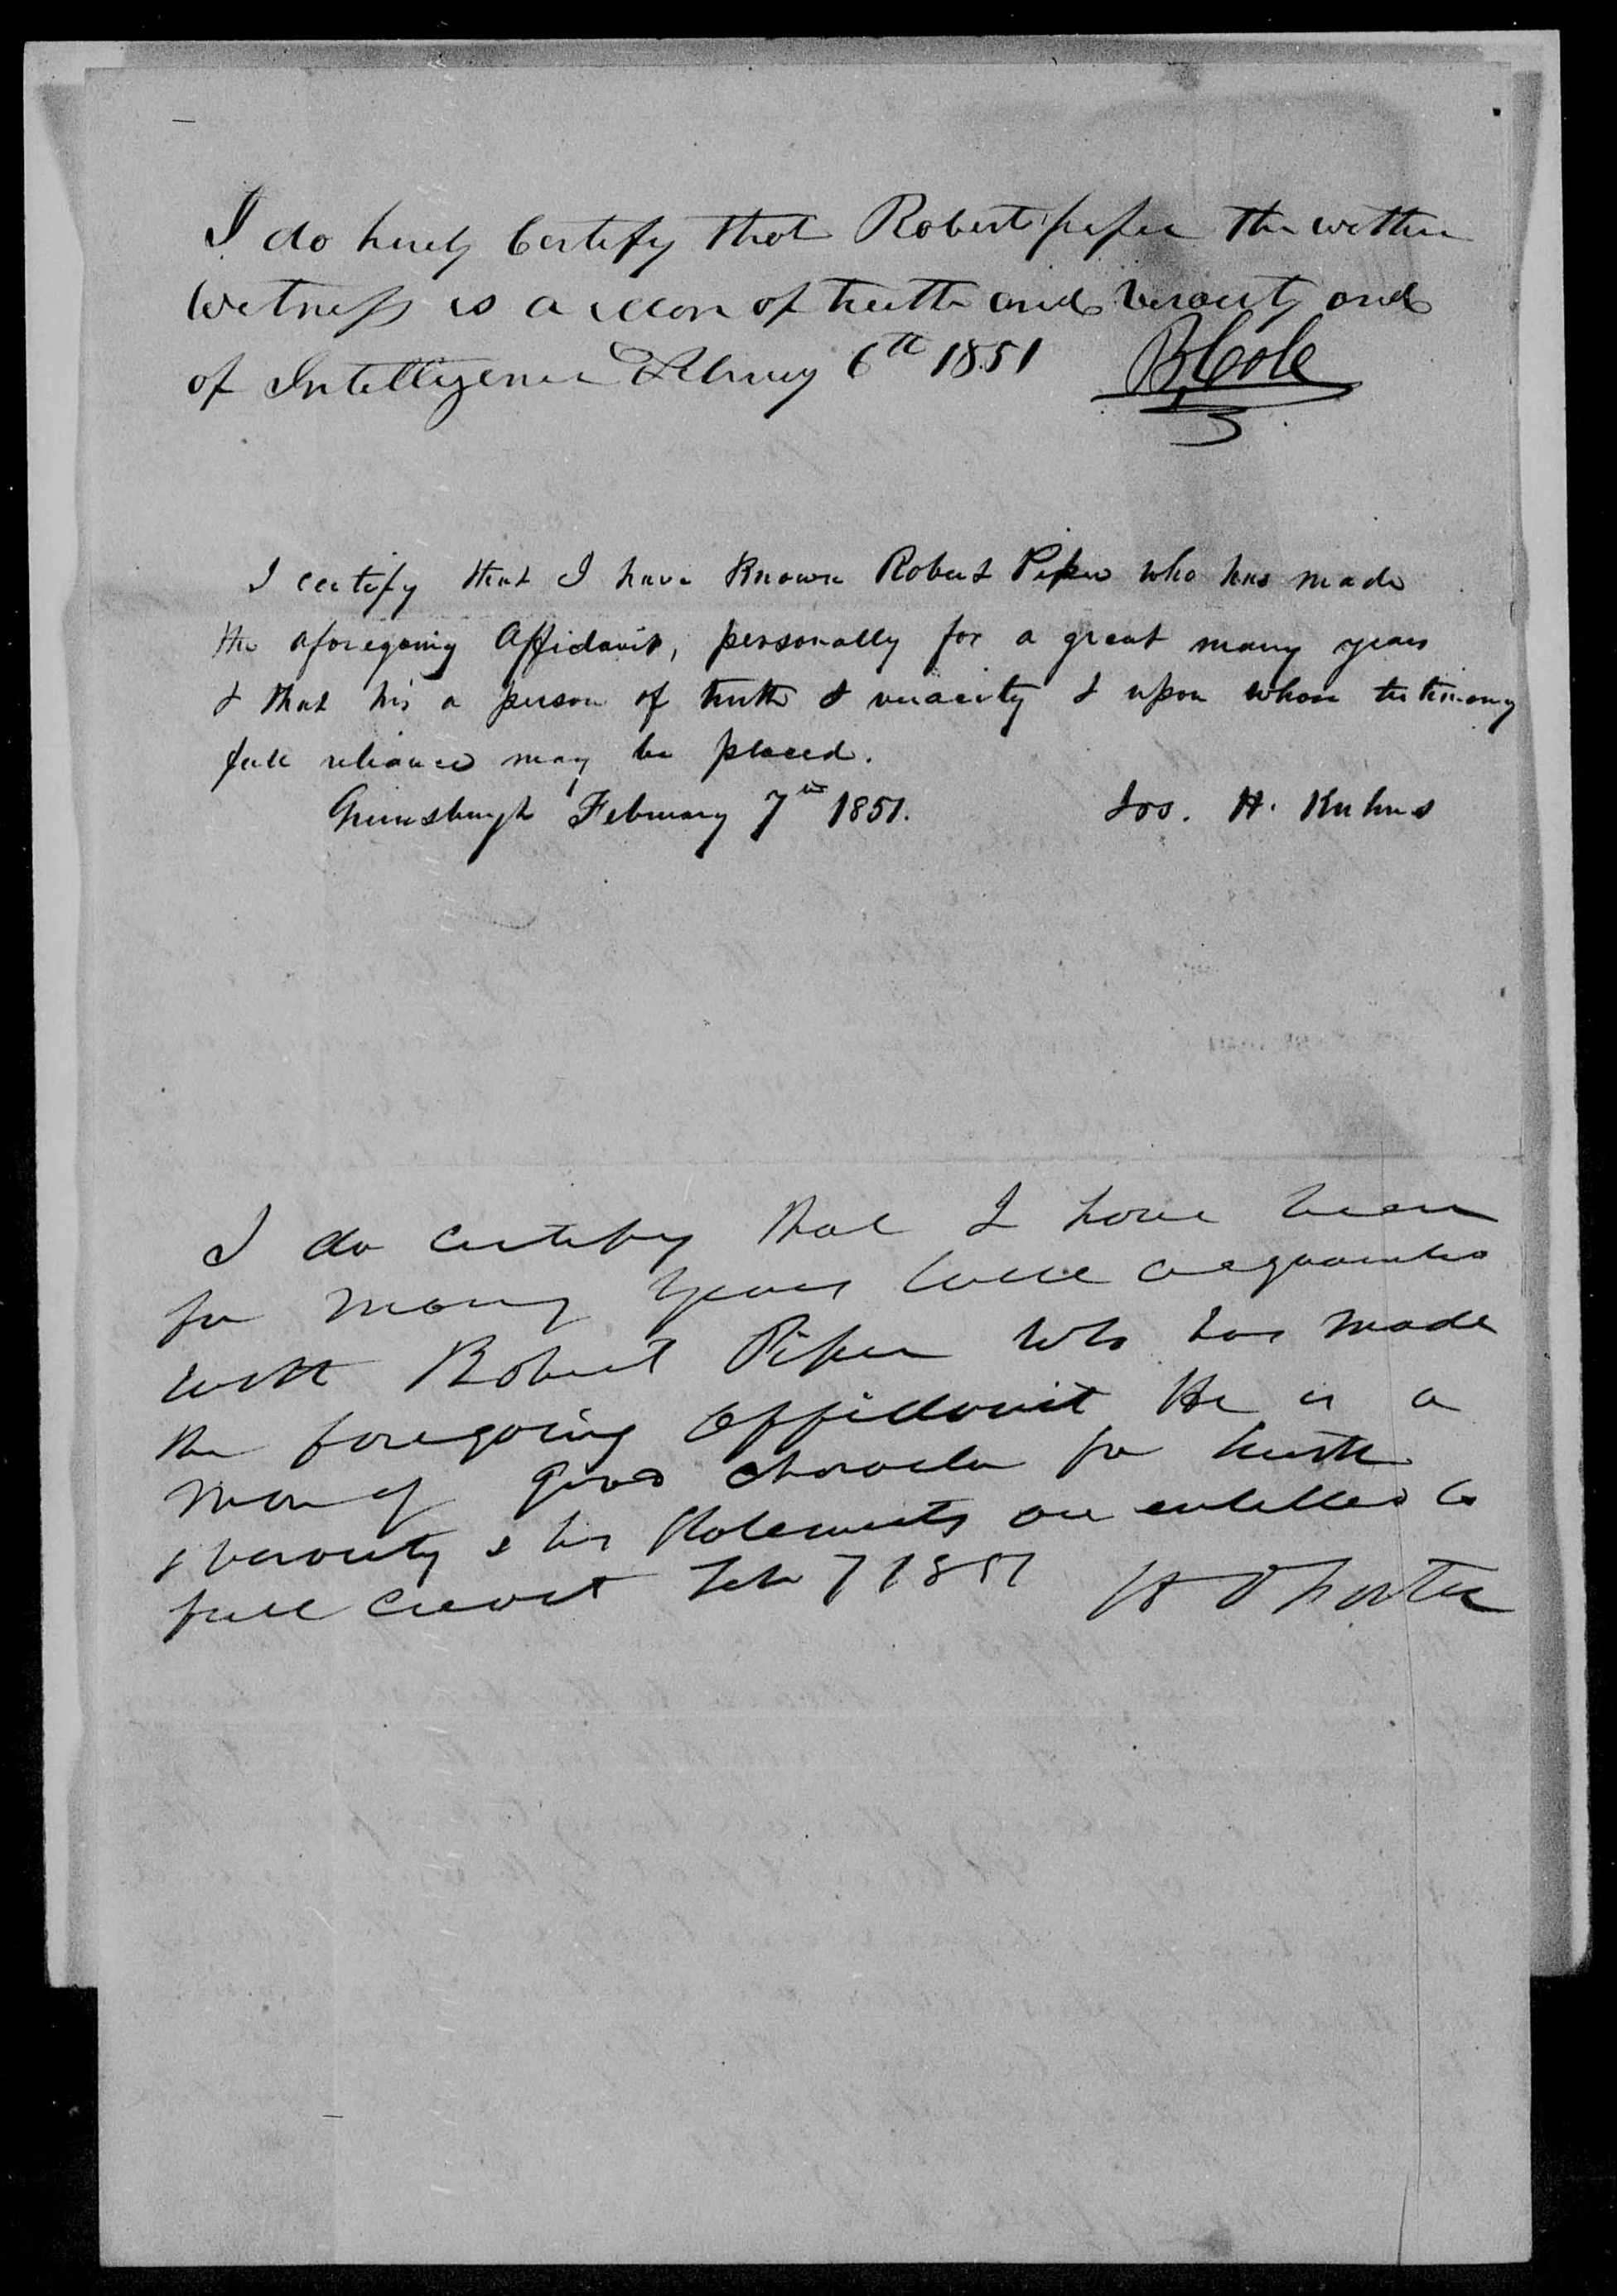I do hereby certify that Robert Piper the written witness is a icon of truth and veracity and of intelligence.  February 6th 1851
                  B. Cole

I certify that I have known Robert Piper who has made his a foregoing affidavit, personally for a great many years and that he is a person of truth and veracity and upon whose testimony full reliance may be placed.
    Greensburg February 7th 1851  
                   Jos. H. Kuland 

I do certify that I have been for many years well acquainted with Robert Piper who has made the foregoing affidavit.  He is a man of good character for truth and bounty and is noteworthy and entitled to full credit  Feb 7 1851
                          NO Porter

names: Robert Piper, Robert Piper, H D Foster, B Cole, Robert Piper, Jos H Kuhus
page: 27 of 92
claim: widow's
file: W 1173, Robert Hamill, Penn.